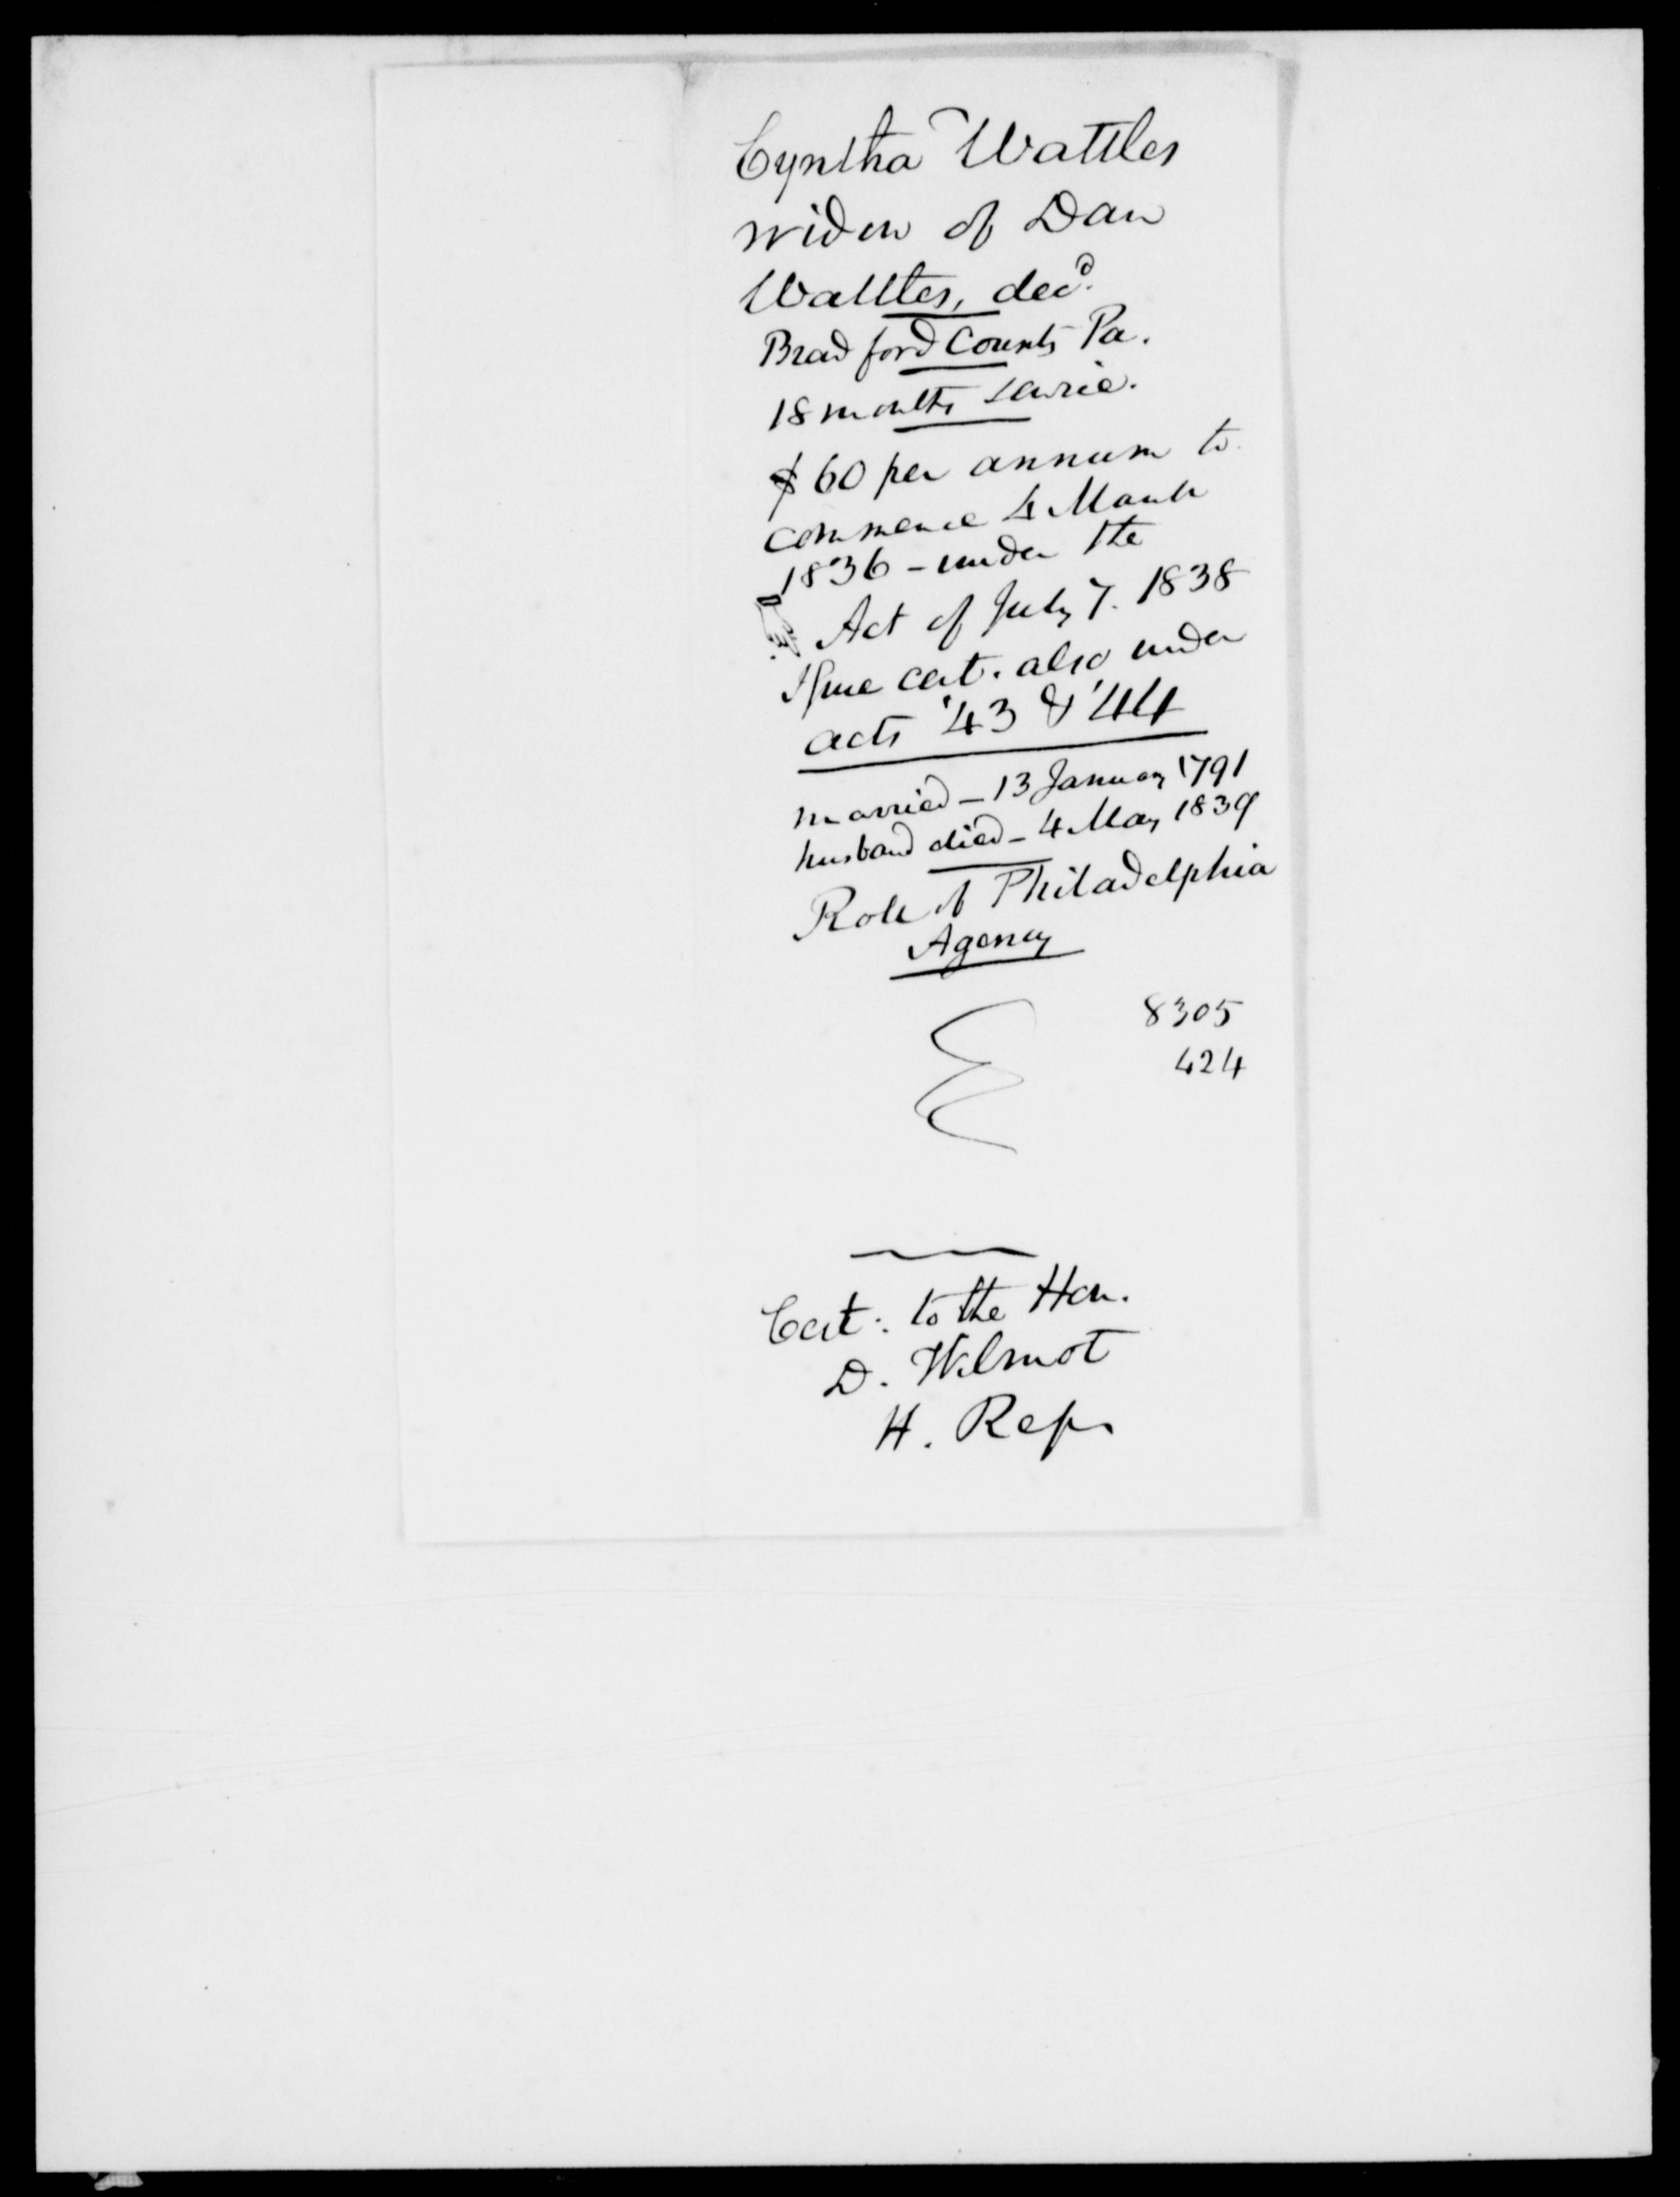Cynthia Wattles
widow of Dan
Wattles, decd.
-------------
Bradford County, Pa.
--------------
18 months service
---------------
$60 per annum to
commence 4 March
1836 - under the Act of July 7, 1838
Issue cert. also under
act '43 & '44
----------------------
Married - 13 January 1719
Husband died - 4 May 1839
------------------
Roll of Philadelphia
Agency
--------------------
8305
424
-------------------
Cert.  to the Hon.
D. Wilmot
H. Rep.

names: D Wilmot, Cyntha Wattles, Dan Wattles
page: 63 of 70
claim: widow's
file: W. 3743, Dan Wattles, Conn.